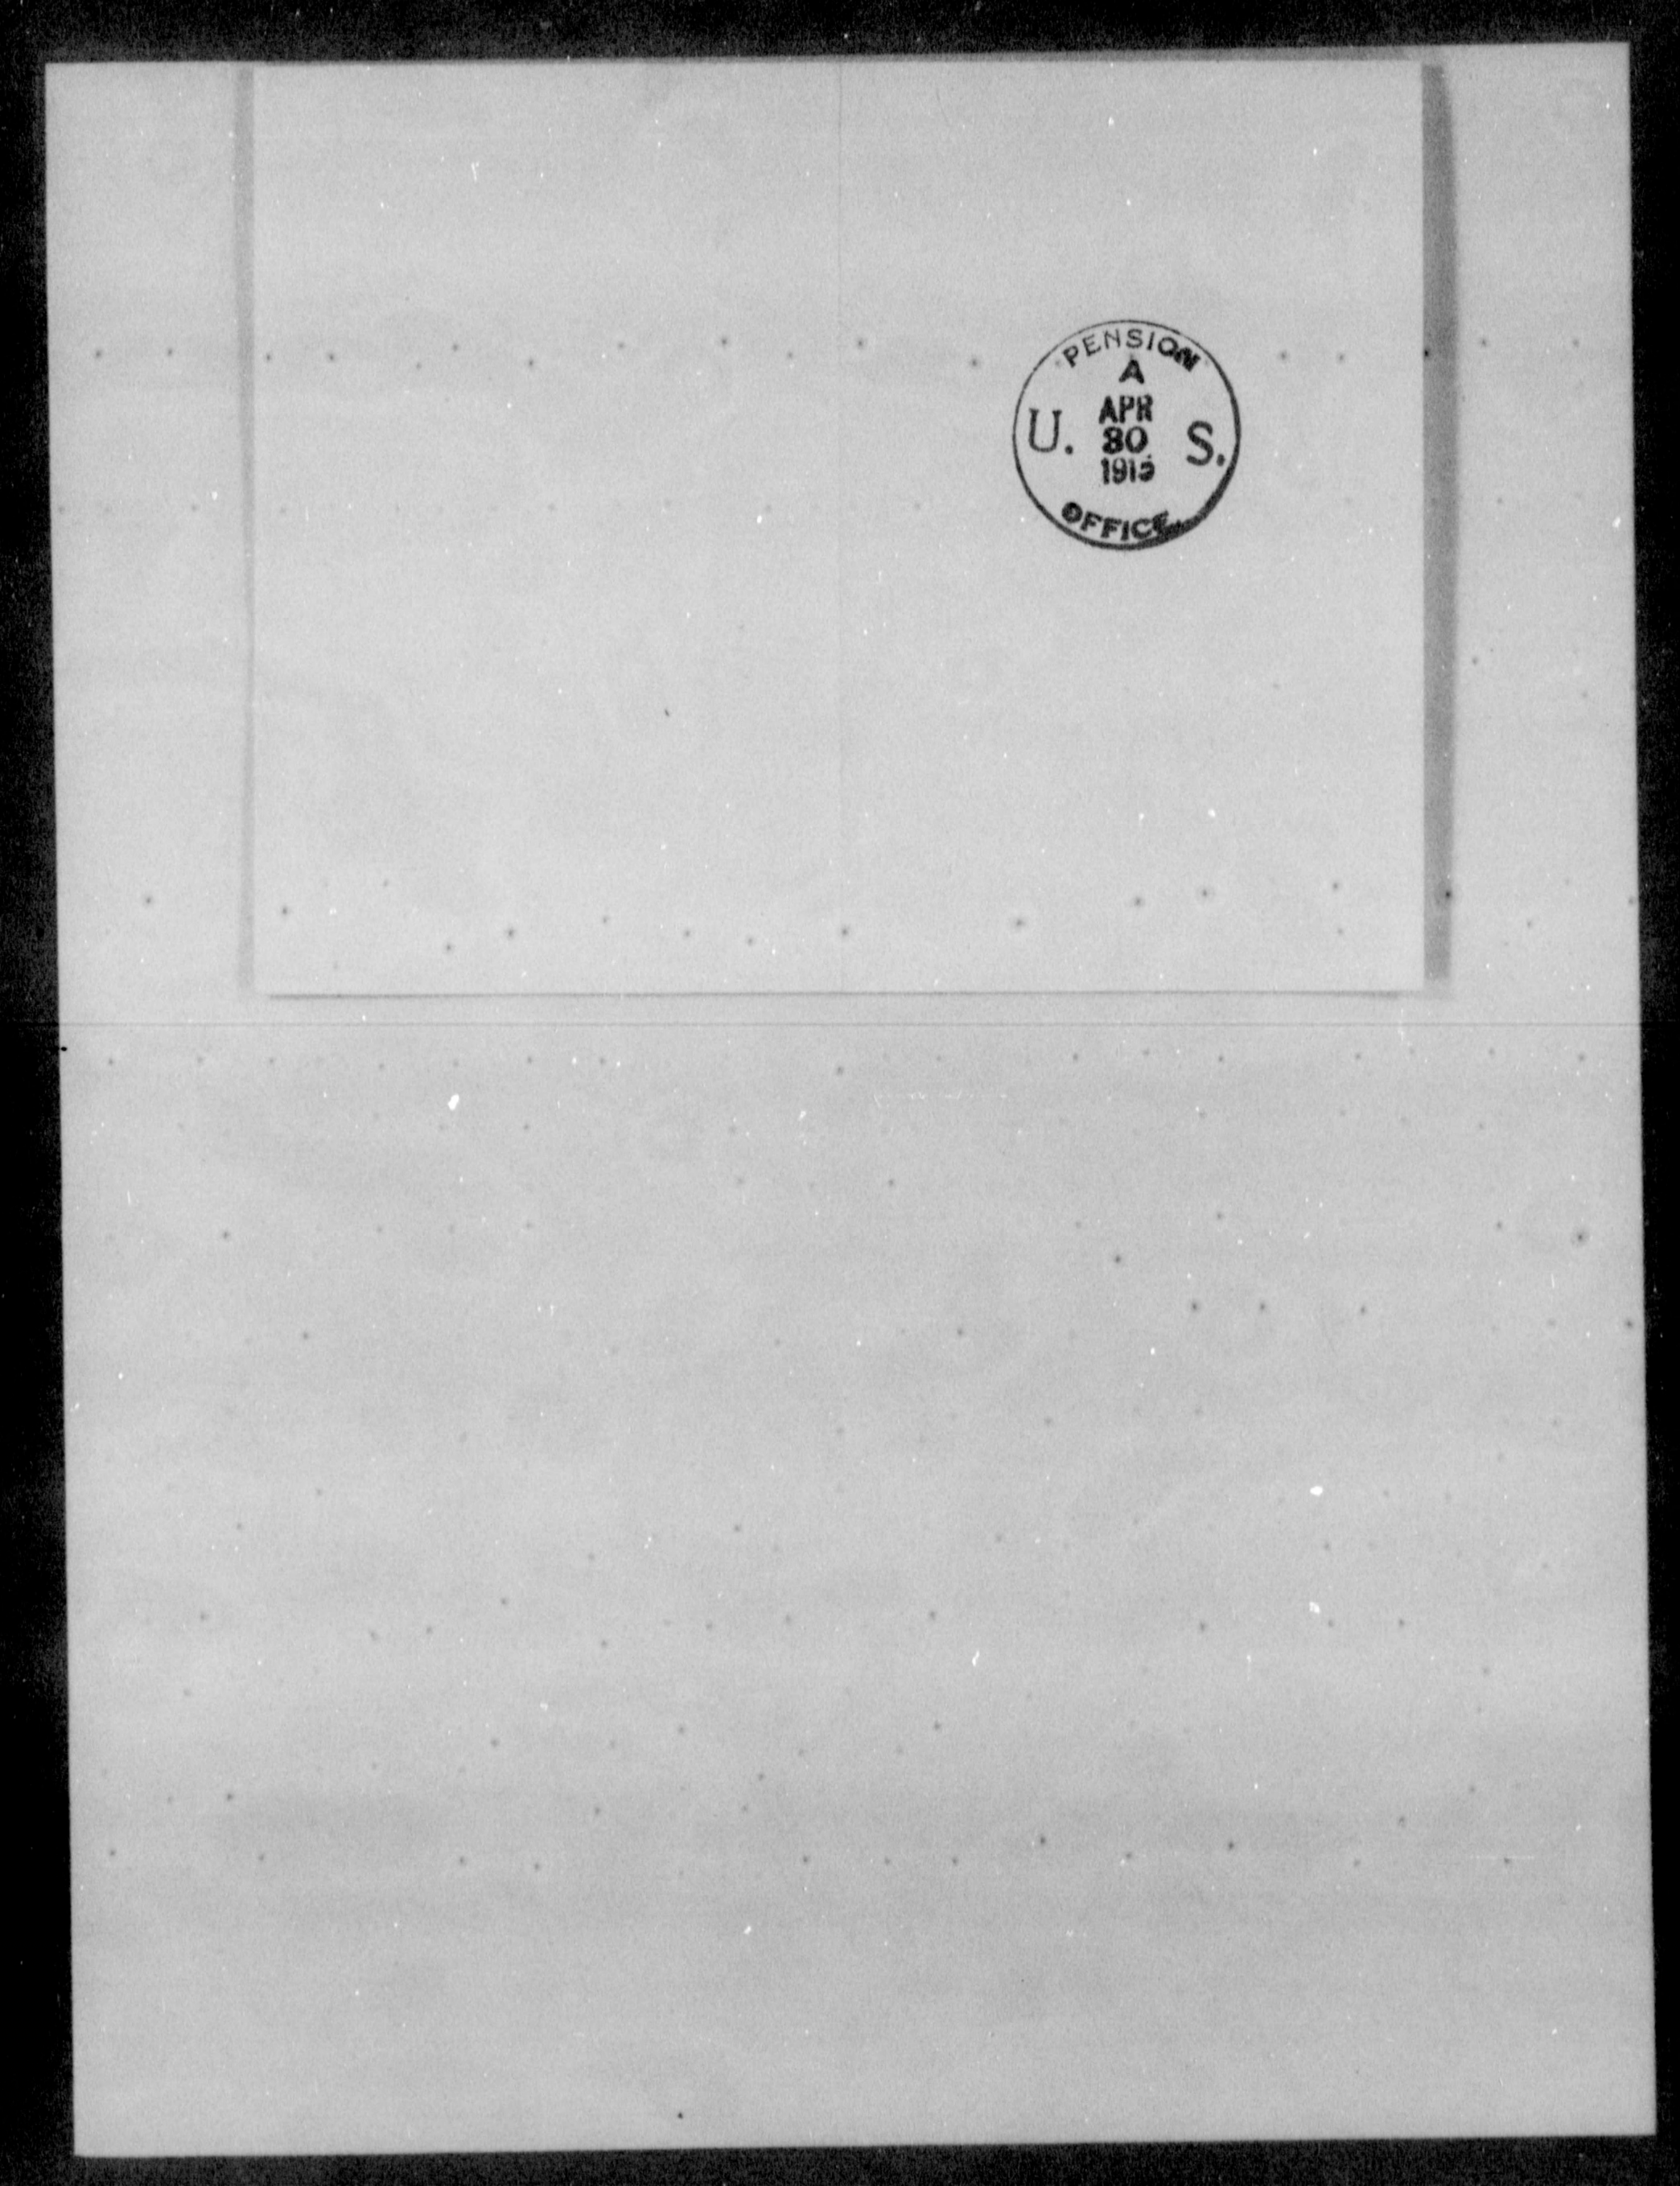[stamp] U. S. PENSION OFFICE A APR 30 1915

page: 103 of 109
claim: widow's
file: W. 5709, for Thomas Richards, New Hampshire